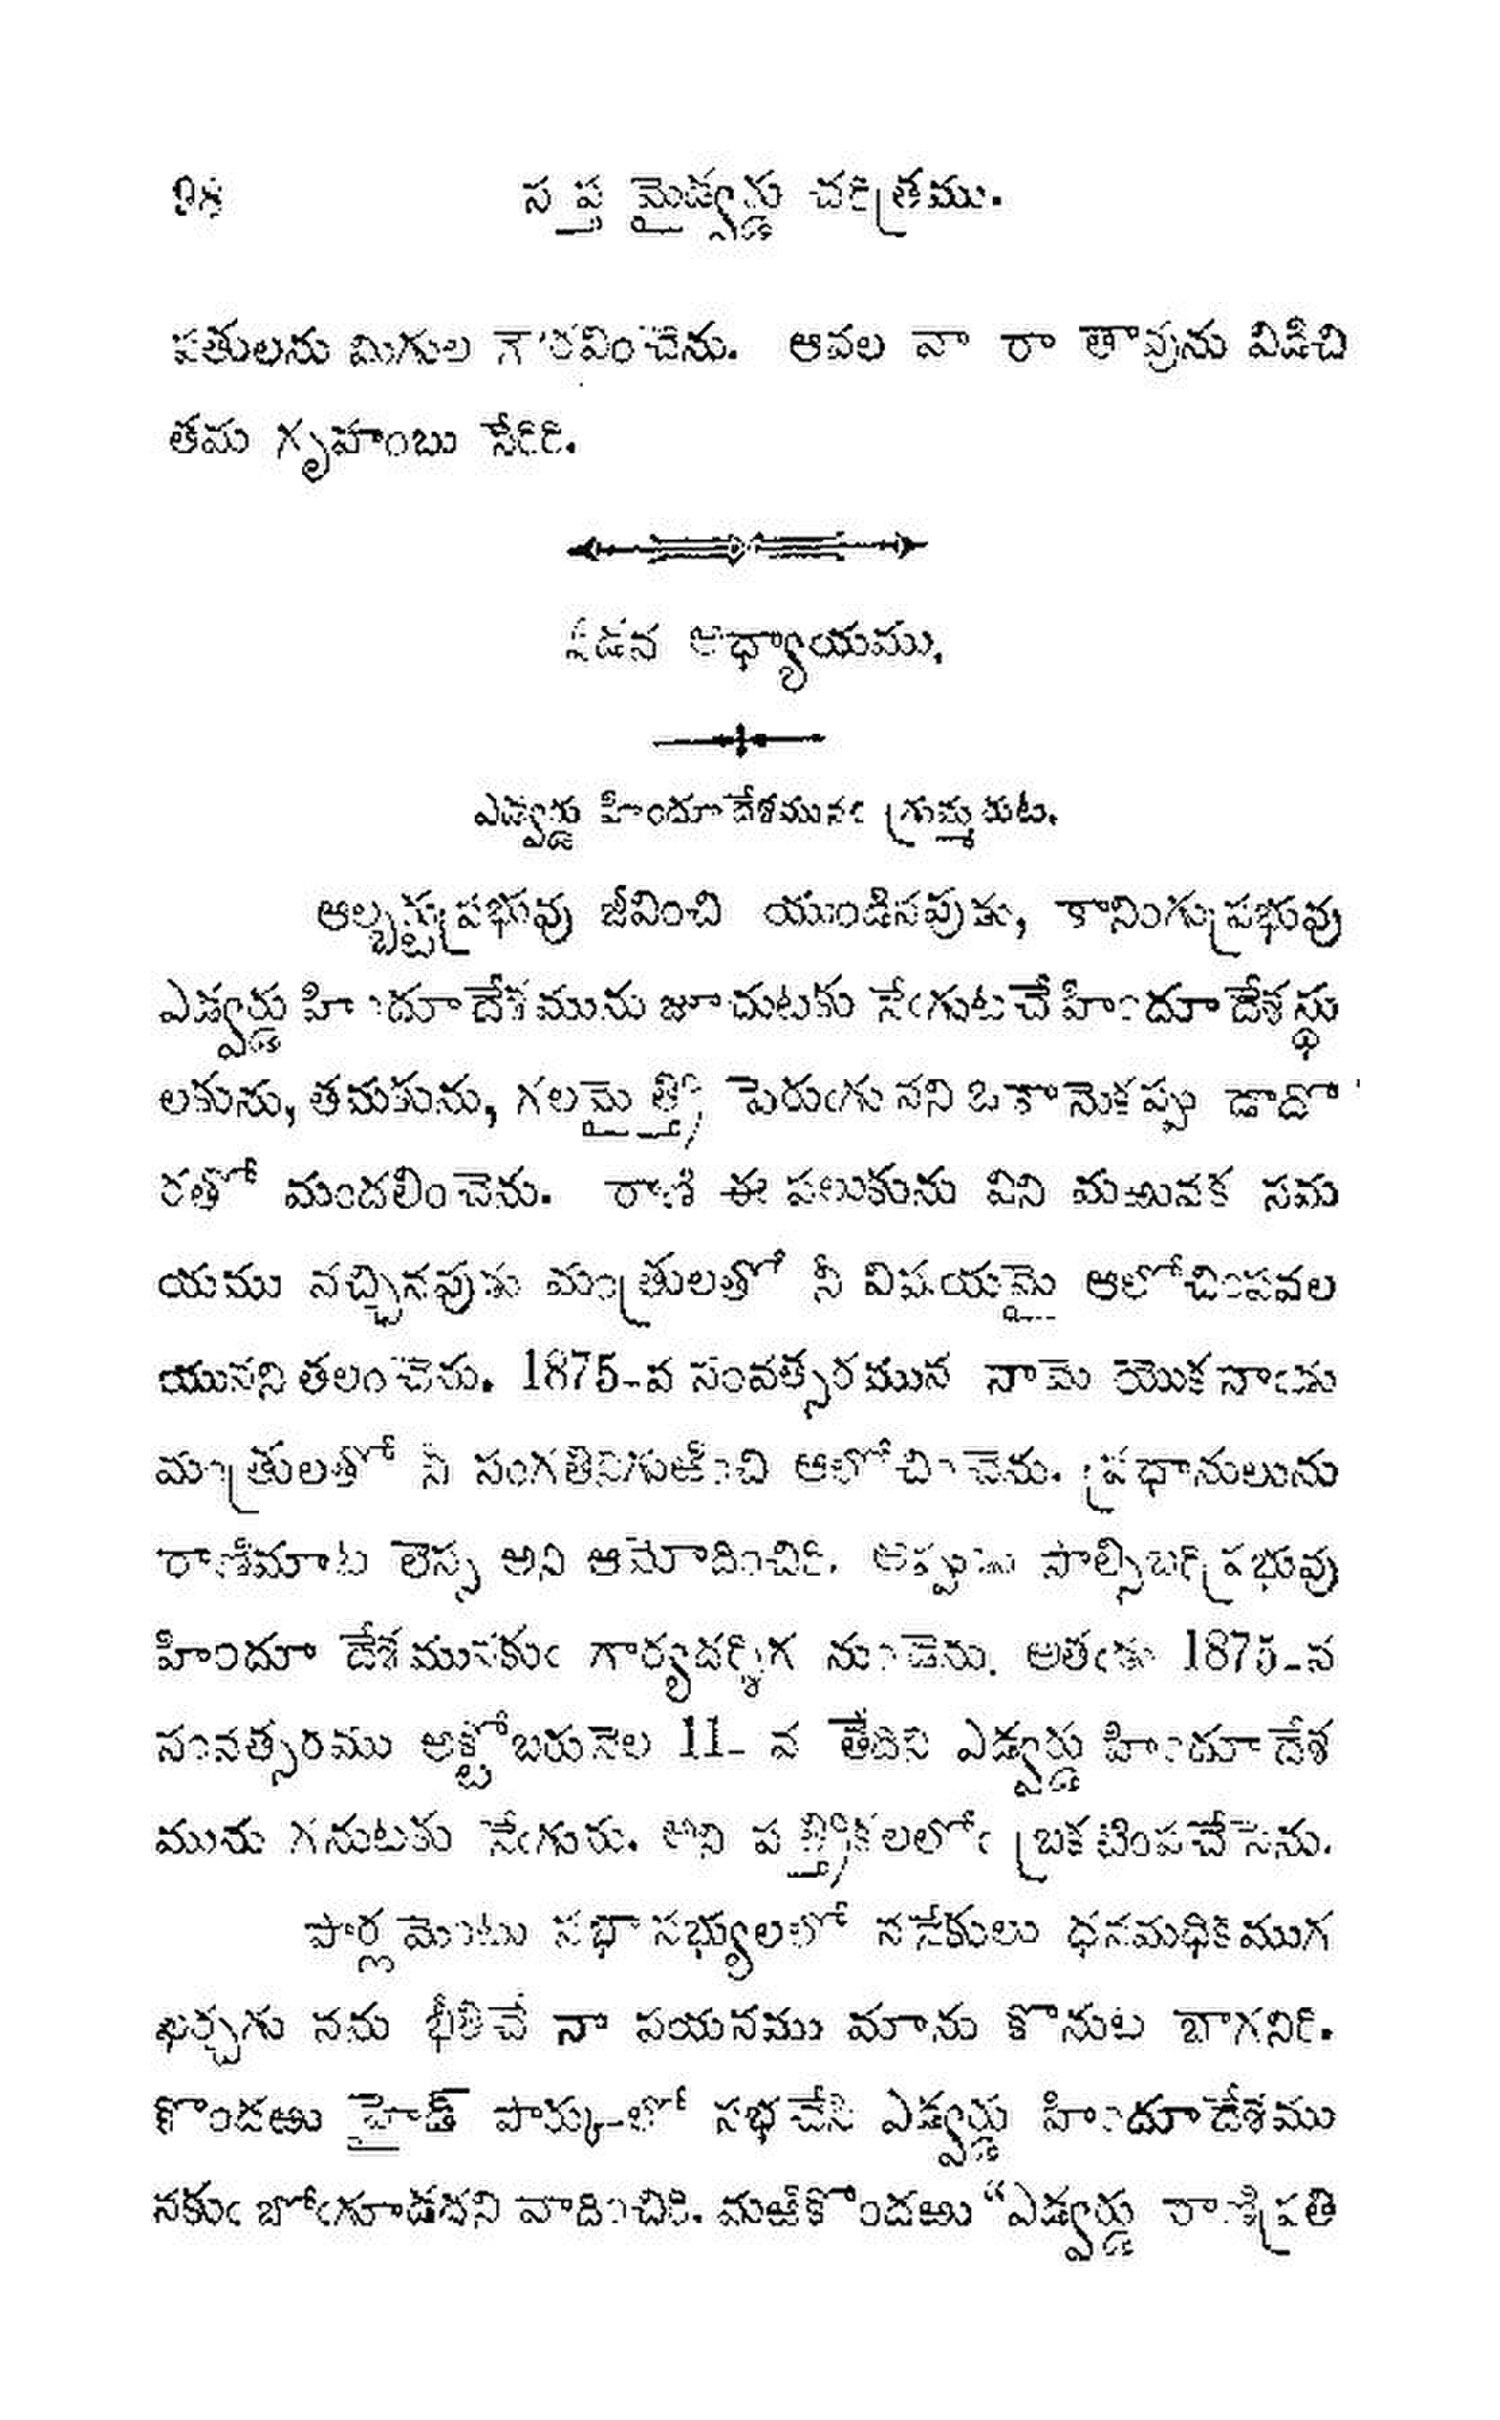పతులను మిగుల గౌరవించెను. ఆవల వా రా తావును విడిచి తమ గృహంబు సేరిరి.

ఆల్బర్టుప్రభువు జీవించి యుండినపుడు, కానింగుప్రభువు ఎడ్వర్డు హిందూదేశమును జూచుటకు నేగుటచే హిందూదేశస్థులకును, తమకును, గలమైత్రి పెరుఁగు నని ఒకానొకప్పు డాదొరతో మందలించెను. రాణి ఈ పలుకును విని మఱువక సమయము వచ్చినపుడు మంత్రులతో నీ విషయమై ఆలోచింపవలయునని తలంచెను. 1875-వ సంవత్సరమున నామె యొకనాఁడు
మంత్రులతో నీ సంగతినిగుఱించి ఆలోచించెను. ప్రధానులును రాణీమాట లెస్స అని ఆమోదించిరి. అప్పుడు సాల్సిబరి ప్రభువు హిందూ దేశమునకుఁ గార్యదర్శిగ నుండెను. అతడు 1875-న సంవత్సరము అక్టోబరు నెల 11-వ తేదీన ఎడ్వర్డు హిందూదేశమును గనుటకు నేఁగును. అని ప్రత్రికలలోఁ బ్రకటింపచేసెను.

పార్లమెంటు సభాసభ్యులలో ననేకులు ధనమధికముగ ఖర్చుగు నను భీతిచే నా పయనము మాను కొనుట బాగనిరి. కొందఱు హైడ్ పార్కులో సభచేసి ఎడ్వర్డు హిందూదేశమునకుఁ బోఁగూడదని వాదించిరి, మఱికోందరు "ఎడ్వర్డు రాణిప్రతి